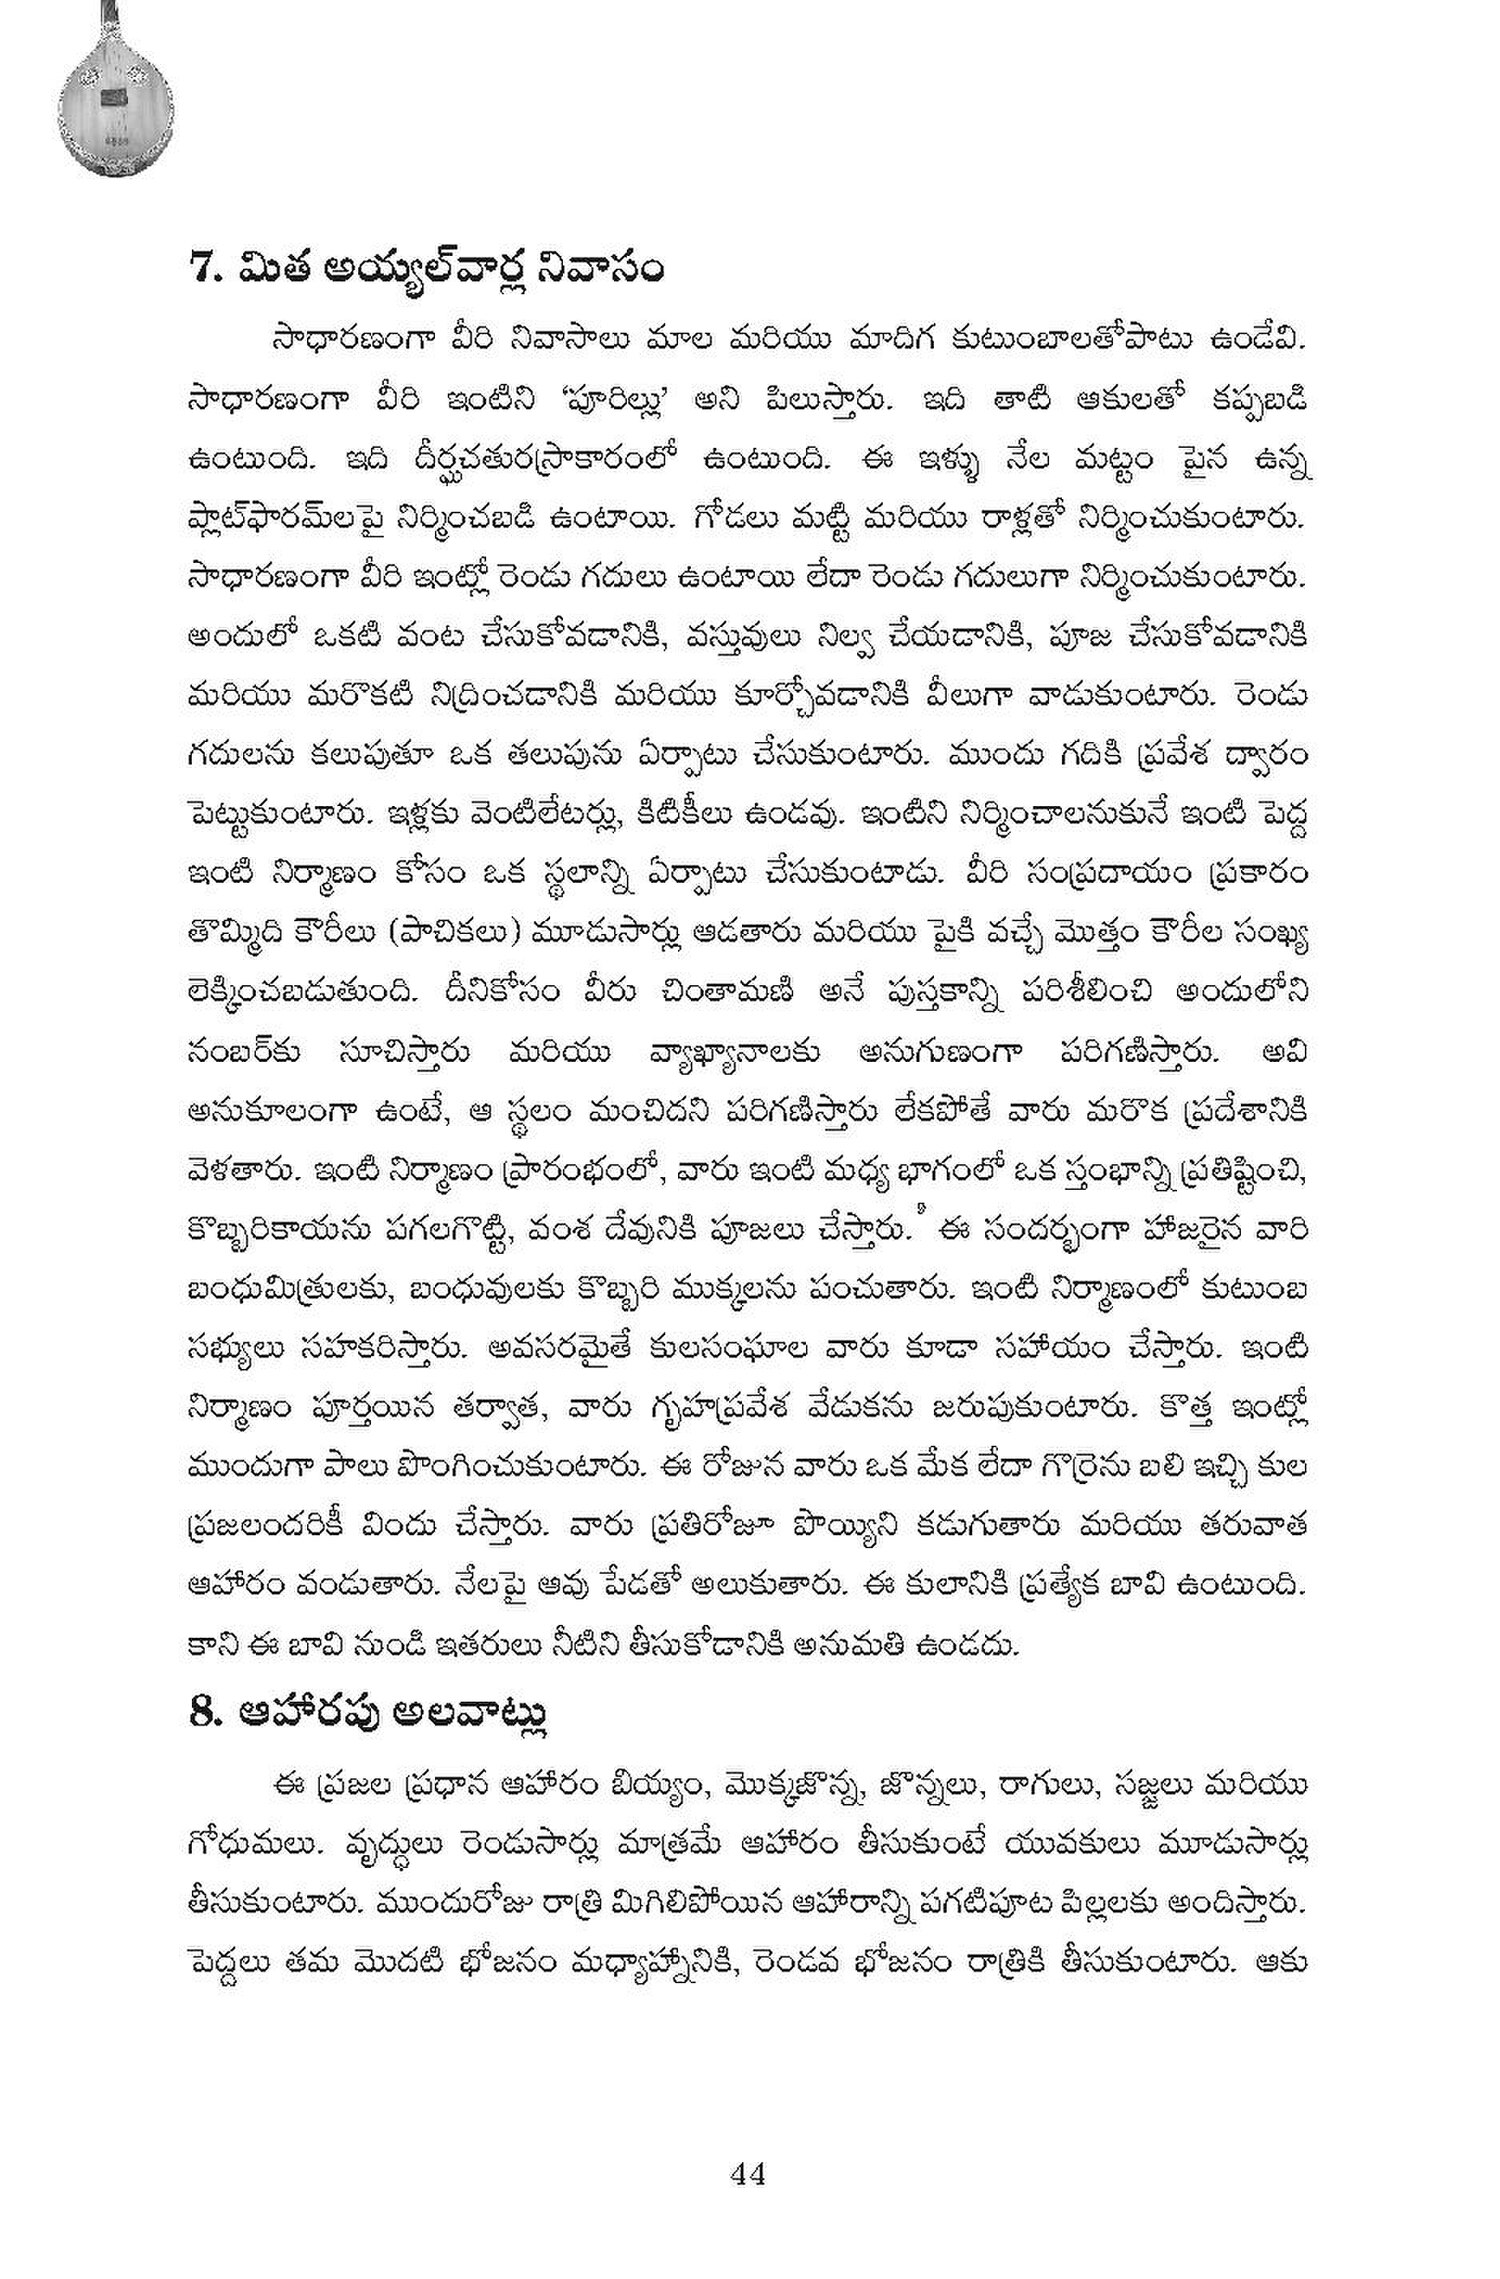7. మిత అయ్యల్వార్ల నివాసం 

సాధారణంగా వీరి నివాసాలు మాల మరియు మాదిగ కుటుంబాలతోపాటు ఉండేవి. సాధారణంగా వీరి ఇంటిని 'పూరిల్లు' అని పిలుస్తారు. ఇది తాటి ఆకులతో కప్పబడి ఉంటుంది. ఇది దీర్ఘచతురస్రాకారంలో ఉంటుంది. ఈ ఇళ్ళు నేల మట్టం పైన ఉన్న ప్లాట్ ఫారమ్ లపై నిర్మించబడి ఉంటాయి. గోడలు మట్టి మరియు రాళ్లతో నిర్మించుకుంటారు. సాధారణంగా వీరి ఇంట్లో రెండు గదులు ఉంటాయి లేదా రెండు గదులుగా నిర్మించుకుంటారు. అందులో ఒకటి వంట చేసుకోవడానికి, వస్తువులు నిల్వ చేయడానికి, పూజ చేసుకోవడానికి మరియు మరొకటి నిద్రించడానికి మరియు కూర్చోవడానికి వీలుగా వాడుకుంటారు. రెండు గదులను కలుపుతూ ఒక తలుపును ఏర్పాటు చేసుకుంటారు. ముందు గదికి ప్రవేశ ద్వారం
పెట్టుకుంటారు. ఇళ్లకు వెంటిలేటర్లు, కిటికీలు ఉండవు. ఇంటిని నిర్మించాలనుకునే ఇంటి పెద్ద ఇంటి నిర్మాణం కోసం ఒక స్థలాన్ని ఏర్పాటు చేసుకుంటాడు. వీరి సంప్రదాయం ప్రకారం తొమ్మిది కౌరీలు (పాచికలు) మూడుసార్లు ఆడతారు మరియు పైకి వచ్చే మొత్తం కౌరీల సంఖ్య లెక్కించబడుతుంది. దీనికోసం వీరు చింతామణి అనే పుస్తకాన్ని పరిశీలించి అందులోని
నంబర్ కు సూచిస్తారు మరియు వ్యాఖ్యానాలకు అనుగుణంగా పరిగణిస్తారు. అవి అనుకూలంగా ఉంటే, ఆ స్థలం మంచి దని పరిగణిస్తారు లేకపోతే వారు మరొక ప్రదేశానికి వెళతారు. ఇంటి నిర్మాణం ప్రారంభంలో, వారు ఇంటి మధ్య భాగంలో ఒక స్తంభాన్ని ప్రతిష్టించి, కొబ్బరికాయను పగలగొట్టి, వంశ దేవునికి పూజలు చేస్తారు. ఈ సందర్భంగా హాజరైన వారి బంధుమిత్రులకు, బంధువులకు కొబ్బరి ముక్కలను పంచుతారు. ఇంటి నిర్మాణంలో కుటుంబ సభ్యులు సహకరిస్తారు. అవసరమైతే కులసంఘాల వారు కూడా సహాయం చేస్తారు. ఇంటి నిర్మాణం పూర్తయిన తర్వాత, వారు గృహప్రవేశ వేడుక ను జరుపుకుంటారు. కొత్త ఇంట్లో ముందుగా పాలు పొంగించుకుంటారు. ఈ రోజున వారు ఒక మేక లేదా గొర్రెను బలి ఇచ్చి కుల ప్రజలందరికీ విందు చేస్తారు. వారు ప్రతిరోజూ పొయ్యిని కడుగుతారు మరియు తరువాత ఆహారం వండుతారు. నేలపై ఆవు పేడతో అలుకుతారు. ఈ కులానికి ప్రత్యేక బావి ఉంటుంది. కాని ఈ బావి నుండి ఇతరులు నీటిని తీసుకోడానికి అనుమతి ఉండదు.

8. ఆహారపు అలవాట్లు 

ఈ ప్రజల ప్రధాన ఆహారం బియ్యం, మొక్కజొన్న, జొన్నలు, రాగులు, సజ్జలు మరియు గోధుమలు. వృద్ధులు రెండుసార్లు మాత్రమే ఆహారం తీసుకుంటే యువకులు మూడుసార్లు తీసుకుంటారు. ముందురోజు రాత్రి మిగిలిపోయిన ఆహారాన్ని పగటిపూట పిల్లలకు అందిస్తారు. పెద్దలు తమ మొదటి భోజనం మధ్యాహ్నానికి, రెండవ భోజనం రాత్రికి తీసుకుంటారు. ఆకు